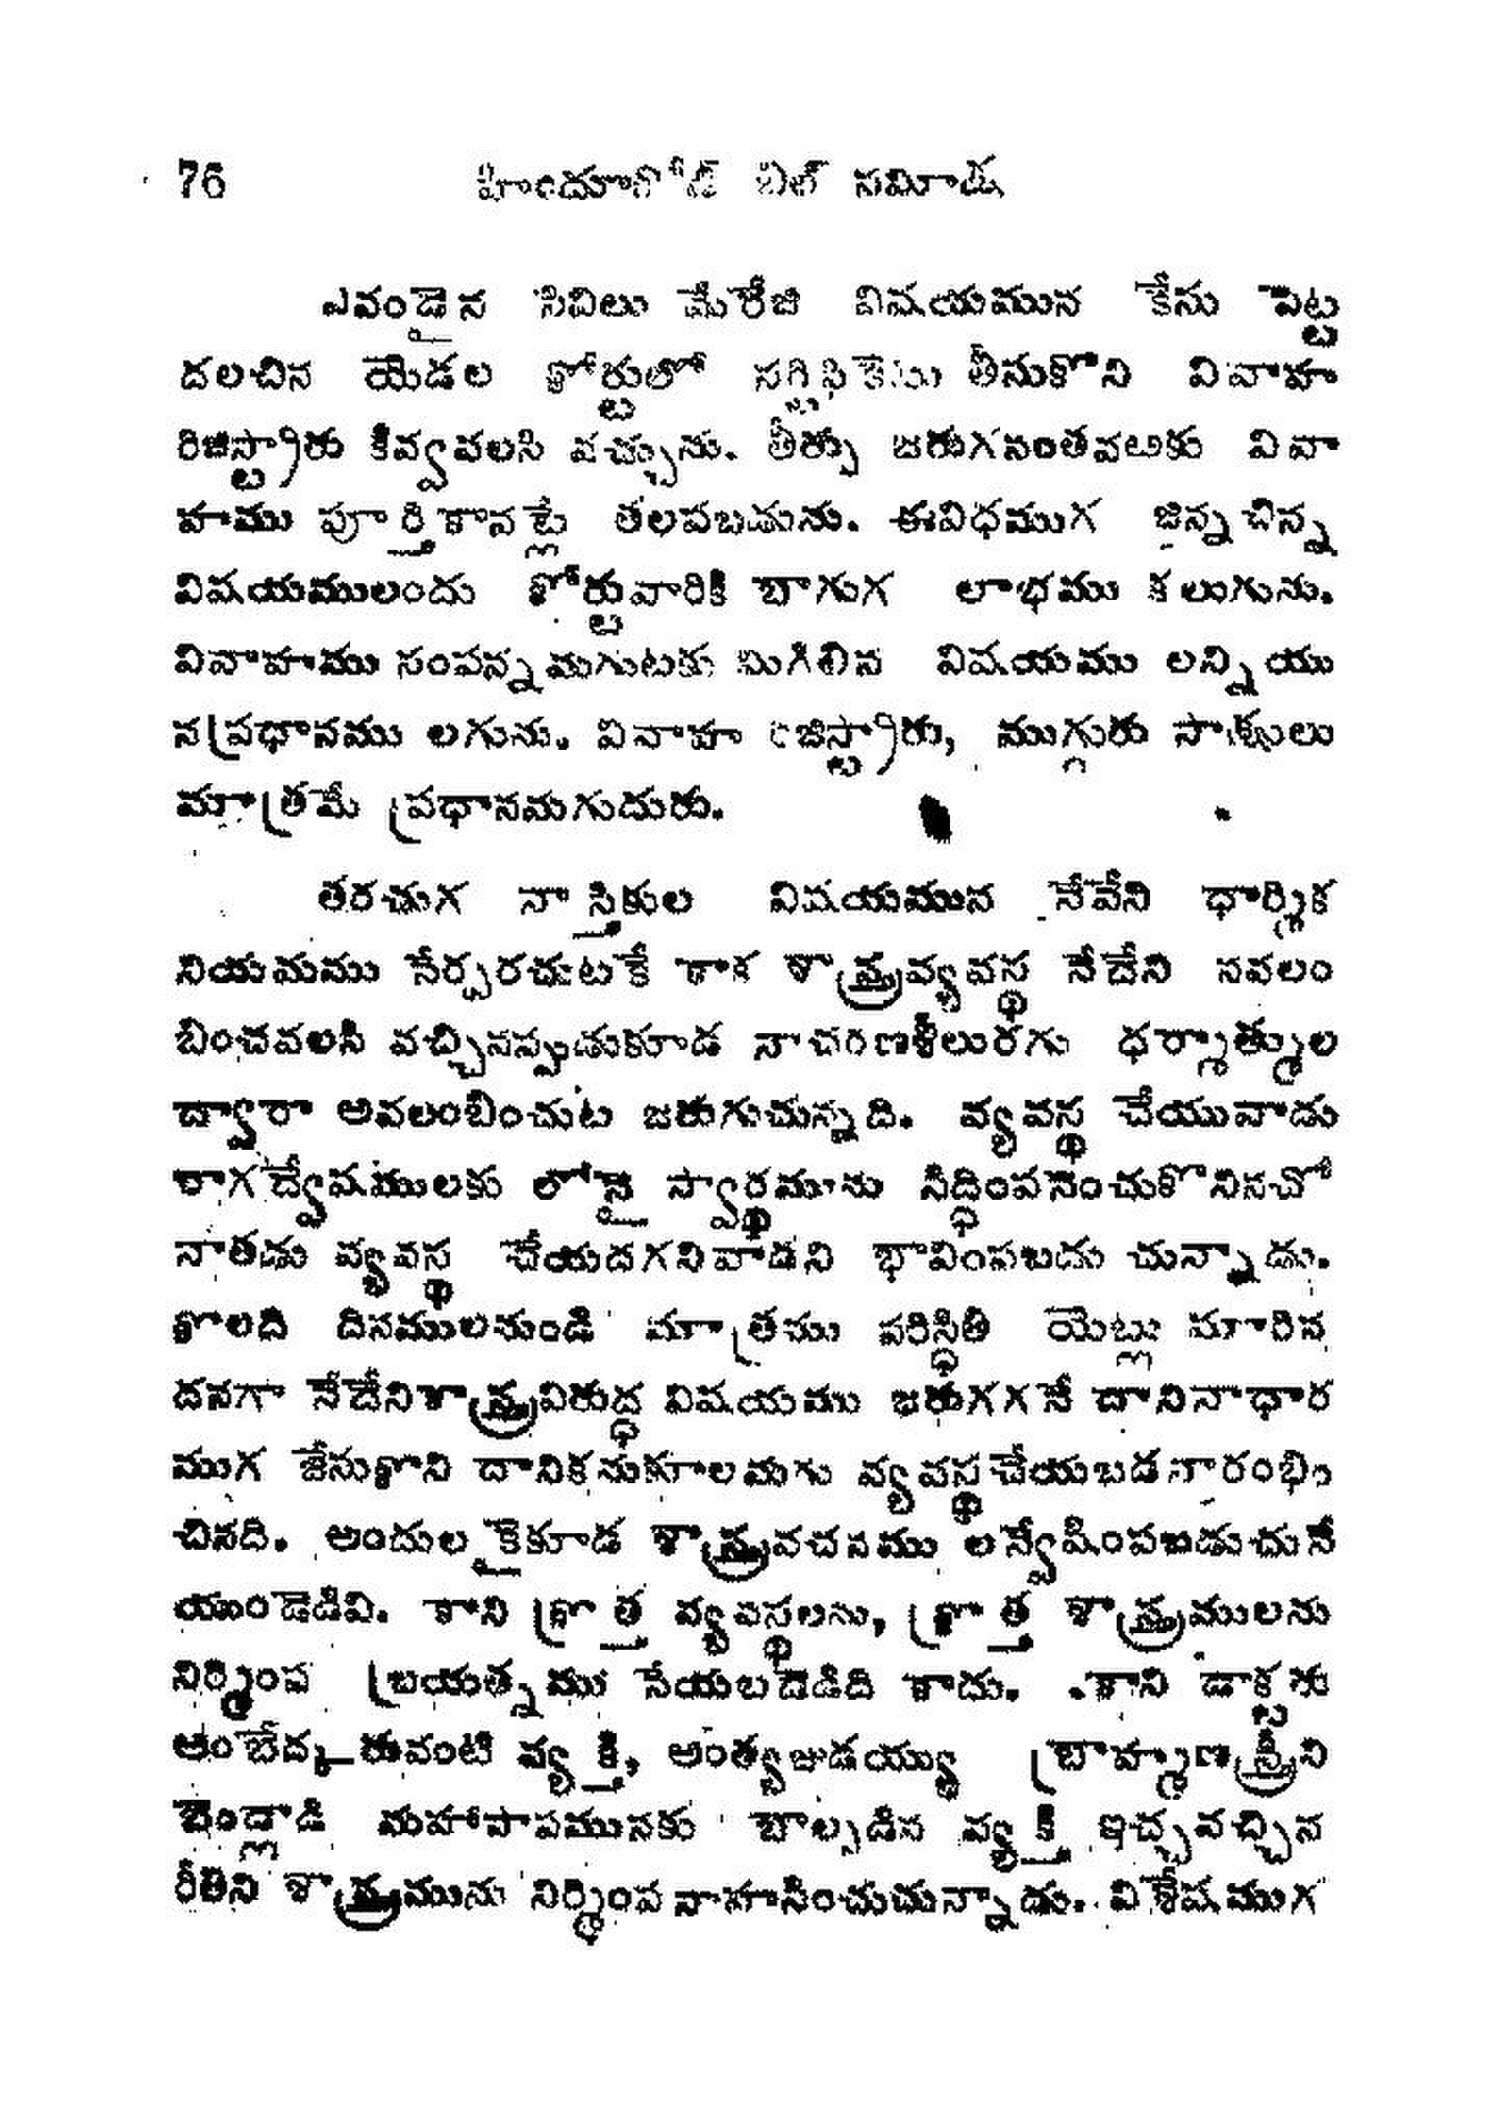ఎవండైన 'సివిలు మేరేజీ విషయమున కేసు పెట్ట 
దలచిన యెడల కోర్టులో సర్టిఫికేటు తీసుకొని వివాహ
రిజిస్ట్రారు కివ్వవలసి వచ్చును. తీర్పు జరుగనంతవటకు వివా
హము పూర్తికావట్లే తలపబడును. ఈవిధముగ జిన్న చిన్న
విషయములందు కోర్టు వారికి బాగుగ లాభము కలుగును,
వివాహము సంపన్న మగుటకు మిగిలిన విషయము లన్నియు
సప్రధానము లగును. వివాహ రిజిస్ట్రారు, ముగ్గురు సాక్షులు
మాత్రమే ప్రధానమగుదురు.

తరచుగ నాస్తికుల విషయమున నేవేని ధార్మిక
నియమము నేర్పరచుటకే కాక శాస్త్రవ్యవస్థ నేదేని నవలం
బించవలసి వచ్చినప్పుడుకూడ నాచరణశీలురగు ధర్మాత్ముల
ద్వారా అవలంబించుట జరుగుచున్నది. వ్యవస్థ చేయువాడు
రాగ ద్వేషములకు లోనై స్వార్థమును సిద్ధింపనించుకొనినచో
నాతడు వ్యవస్థ చేయదగనివాడని భావింపబడు చున్నాడు.
కొలది దినములనుండి మాత్రము పరిస్థితి యెట్లు మారిన
దనగా నేదేని శాస్త్రవిరుద్ధ విషయము జరుగగనే దానినాధార
ముగ జేసుకొని దానికనుకూలమగు వ్యవస్థ చేయబడనారంభిం
చినది. అందుల కైకూడ శాస్త్రవచనము అన్వేషింపబడుచునే
యుండెడివి. కాని క్రొత్త వ్యవస్థలను, క్రొత్త శాస్త్రములను
నిర్మింప బ్రయత్నము చేయబడెడిది కాదు. కాని డాక్టరు 
అంబేద్కరు వంటి వ్యక్తి, అంత్యజుడయ్యు బ్రాహ్మణ స్త్రీని
బెండ్లాడి మహాపాపమునకు బొల్పడిన వ్యక్తి ఇచ్చవచ్చిన
రీతిని శాస్త్రమును నిర్మింప సాహసించుచున్నాడు. విశేషముగ